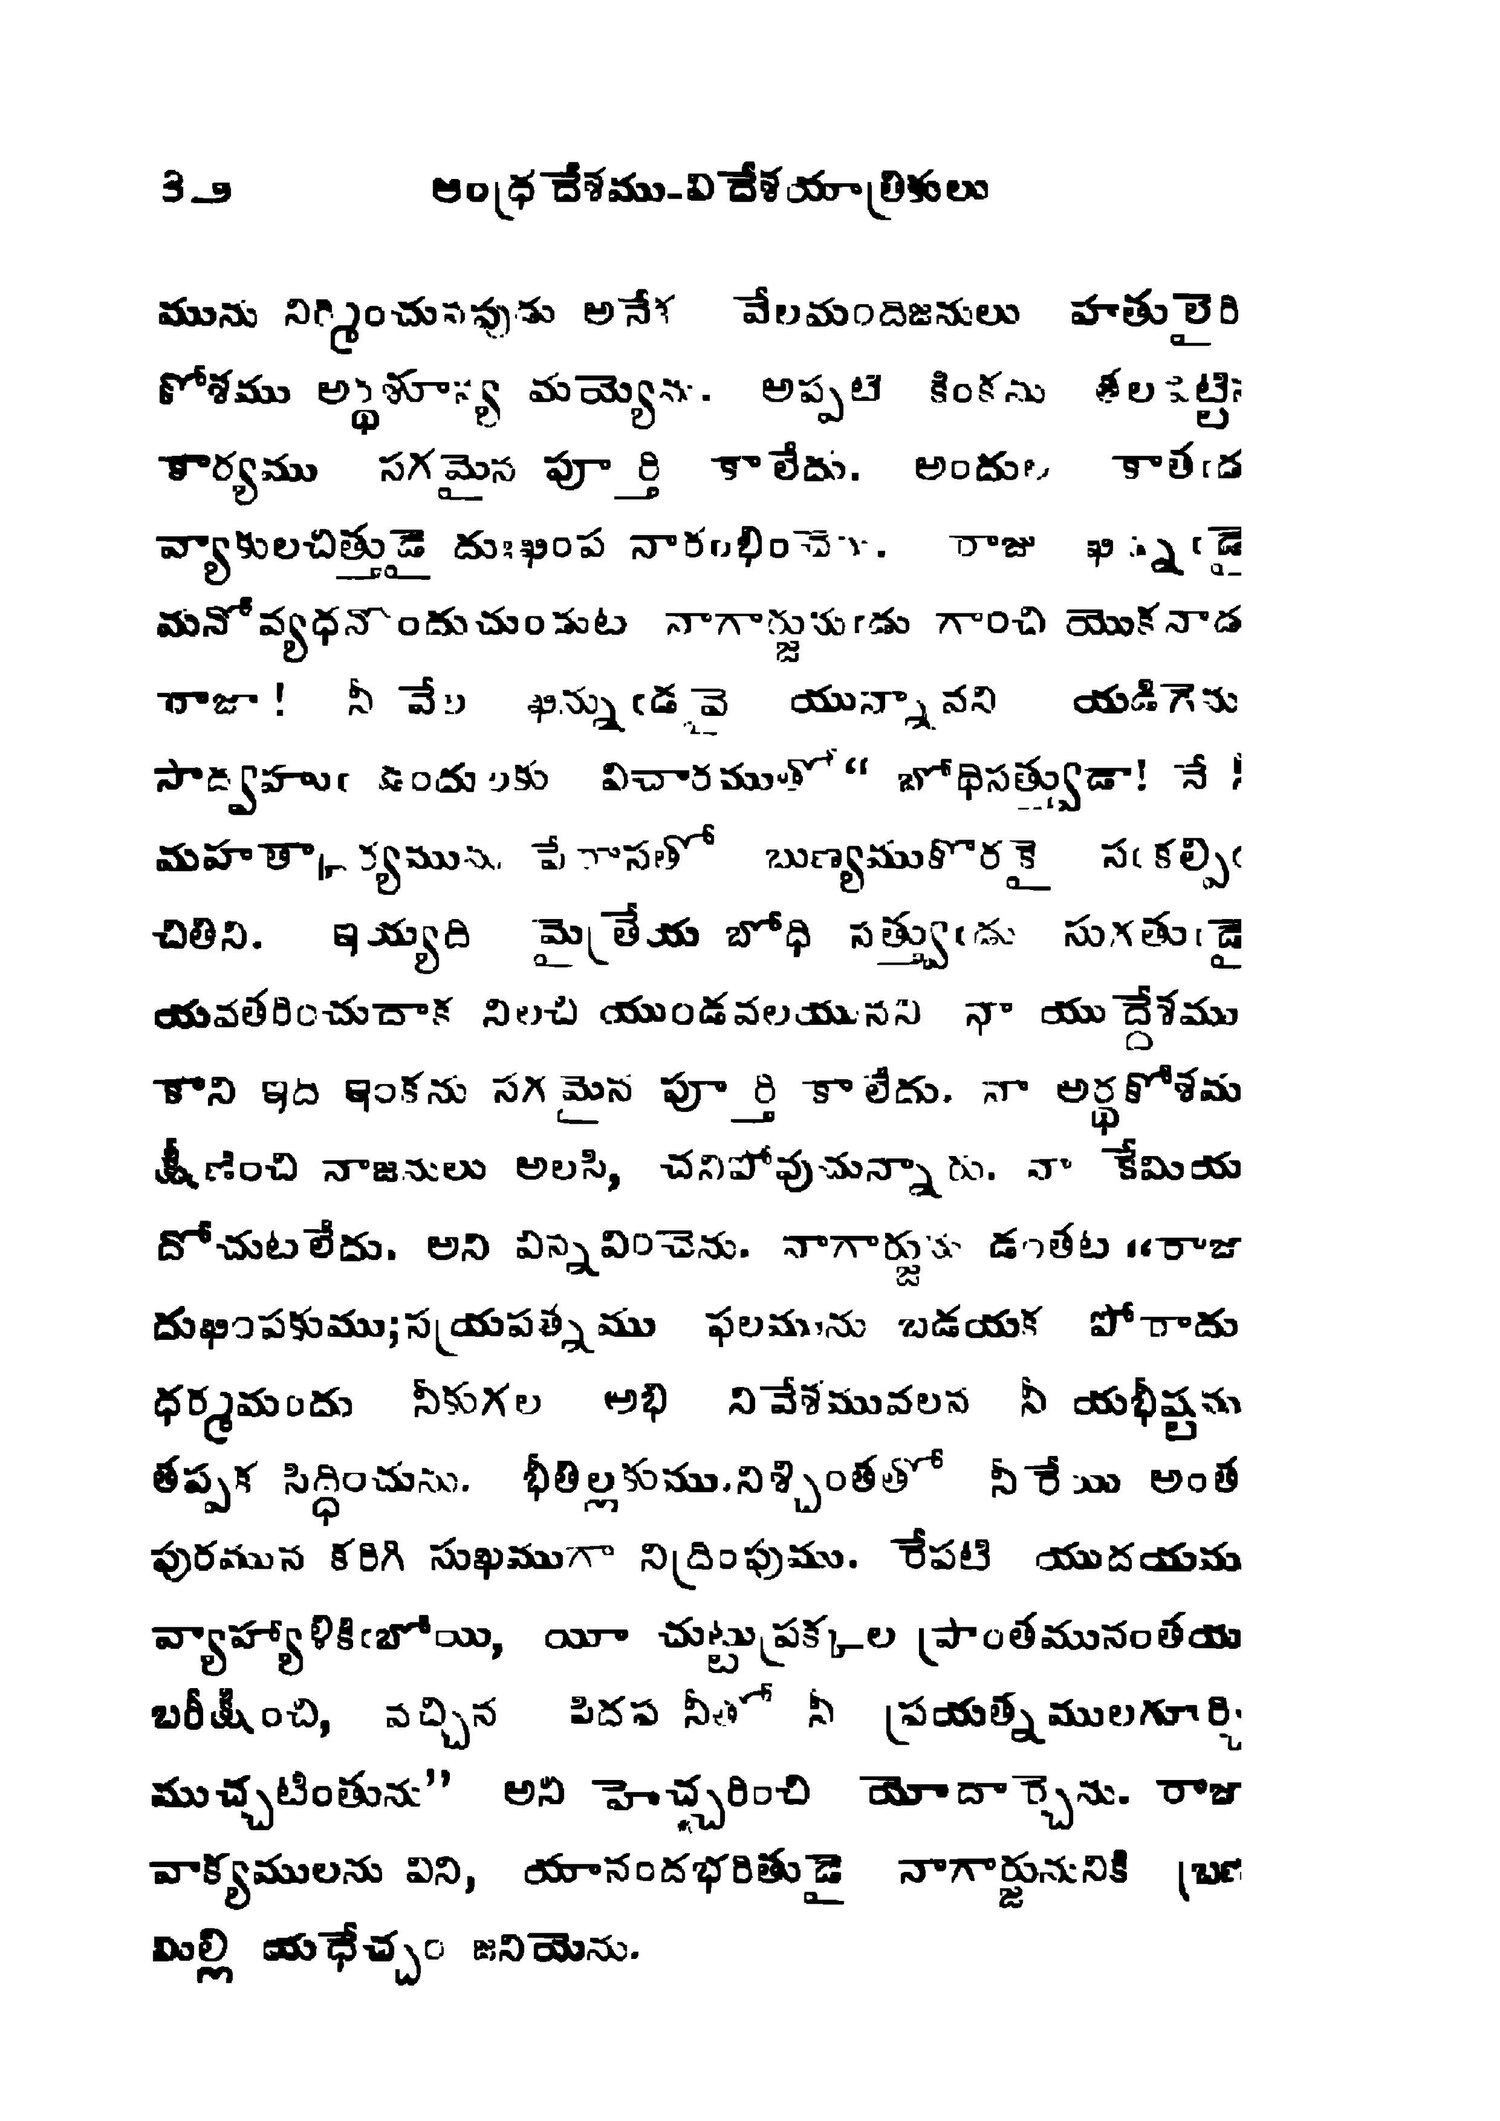మును నిర్మించునపుడు అనేక వేలమందిజనులు హతులైరి. కోశము అర్థసూన్య మయ్యెను. అప్పటి కింకను తలపెట్టిన కార్యము సగమైన పూర్తి కాలేదు. అందుల కాతడు వ్యాకులచిత్తుడై దు:ఖింప నారంభించెను. రాజు ఖిన్నుడై మనోవ్యధనొందుచుండుట నాగార్జునుడు గాంచి యొకనాడు రాజా! నీ వేల ఖిన్నుడవై యున్నావని యడిగెను. సాద్విహు డందులకు విచారముతో "బోథిసత్త్వుడా! నేనీ మహత్కార్యమును పేరాసతో బుణ్యముకొరకై సంకల్పించితిని. ఇయ్యది మైత్రేయ బోధిసత్త్వుడు సుగతుడై యవతరించుదాక నిలచి యుండవలయునని నా యుద్దేశము కాని ఇది ఇంకను సగమైన పూర్తి కాలేదు. నా అర్థకోశము క్షీణించి నాజనులు అలసి, చనిపోవుచున్నారు. నా కేమియు దోచుటలేదు. అని విన్నవించెను. నాగార్జును డంతట "రాజా దుఖింపకుము; సయ్రపత్నము ఫలమును బడయక ఫొరాదు ధర్మమందు నీకుగల అభి నివేశమువలన నీ యభీష్టము తప్పక సిద్ధించును. భీతిల్లకుము, నిశ్చింతతో నీరేయి అంతపురమున కరిగి సుఖముగా నిద్రింపుము. రేపటి యుదయమ వ్యాహ్యాళికిబోయి, యీ చుట్టుప్రక్కల ప్రాంతమునంతయు బరీక్షించి, వచ్చిన పిదప నీతో నీ ప్రయత్నములగూర్చి ముచ్చటింతును" అని హెచ్చరించి యోదార్చెను. రాజా వాక్యములను విని, యానందభరితుడై నాగార్జునునికి బ్రణమిల్లి యధేచ్చం జనియెను.